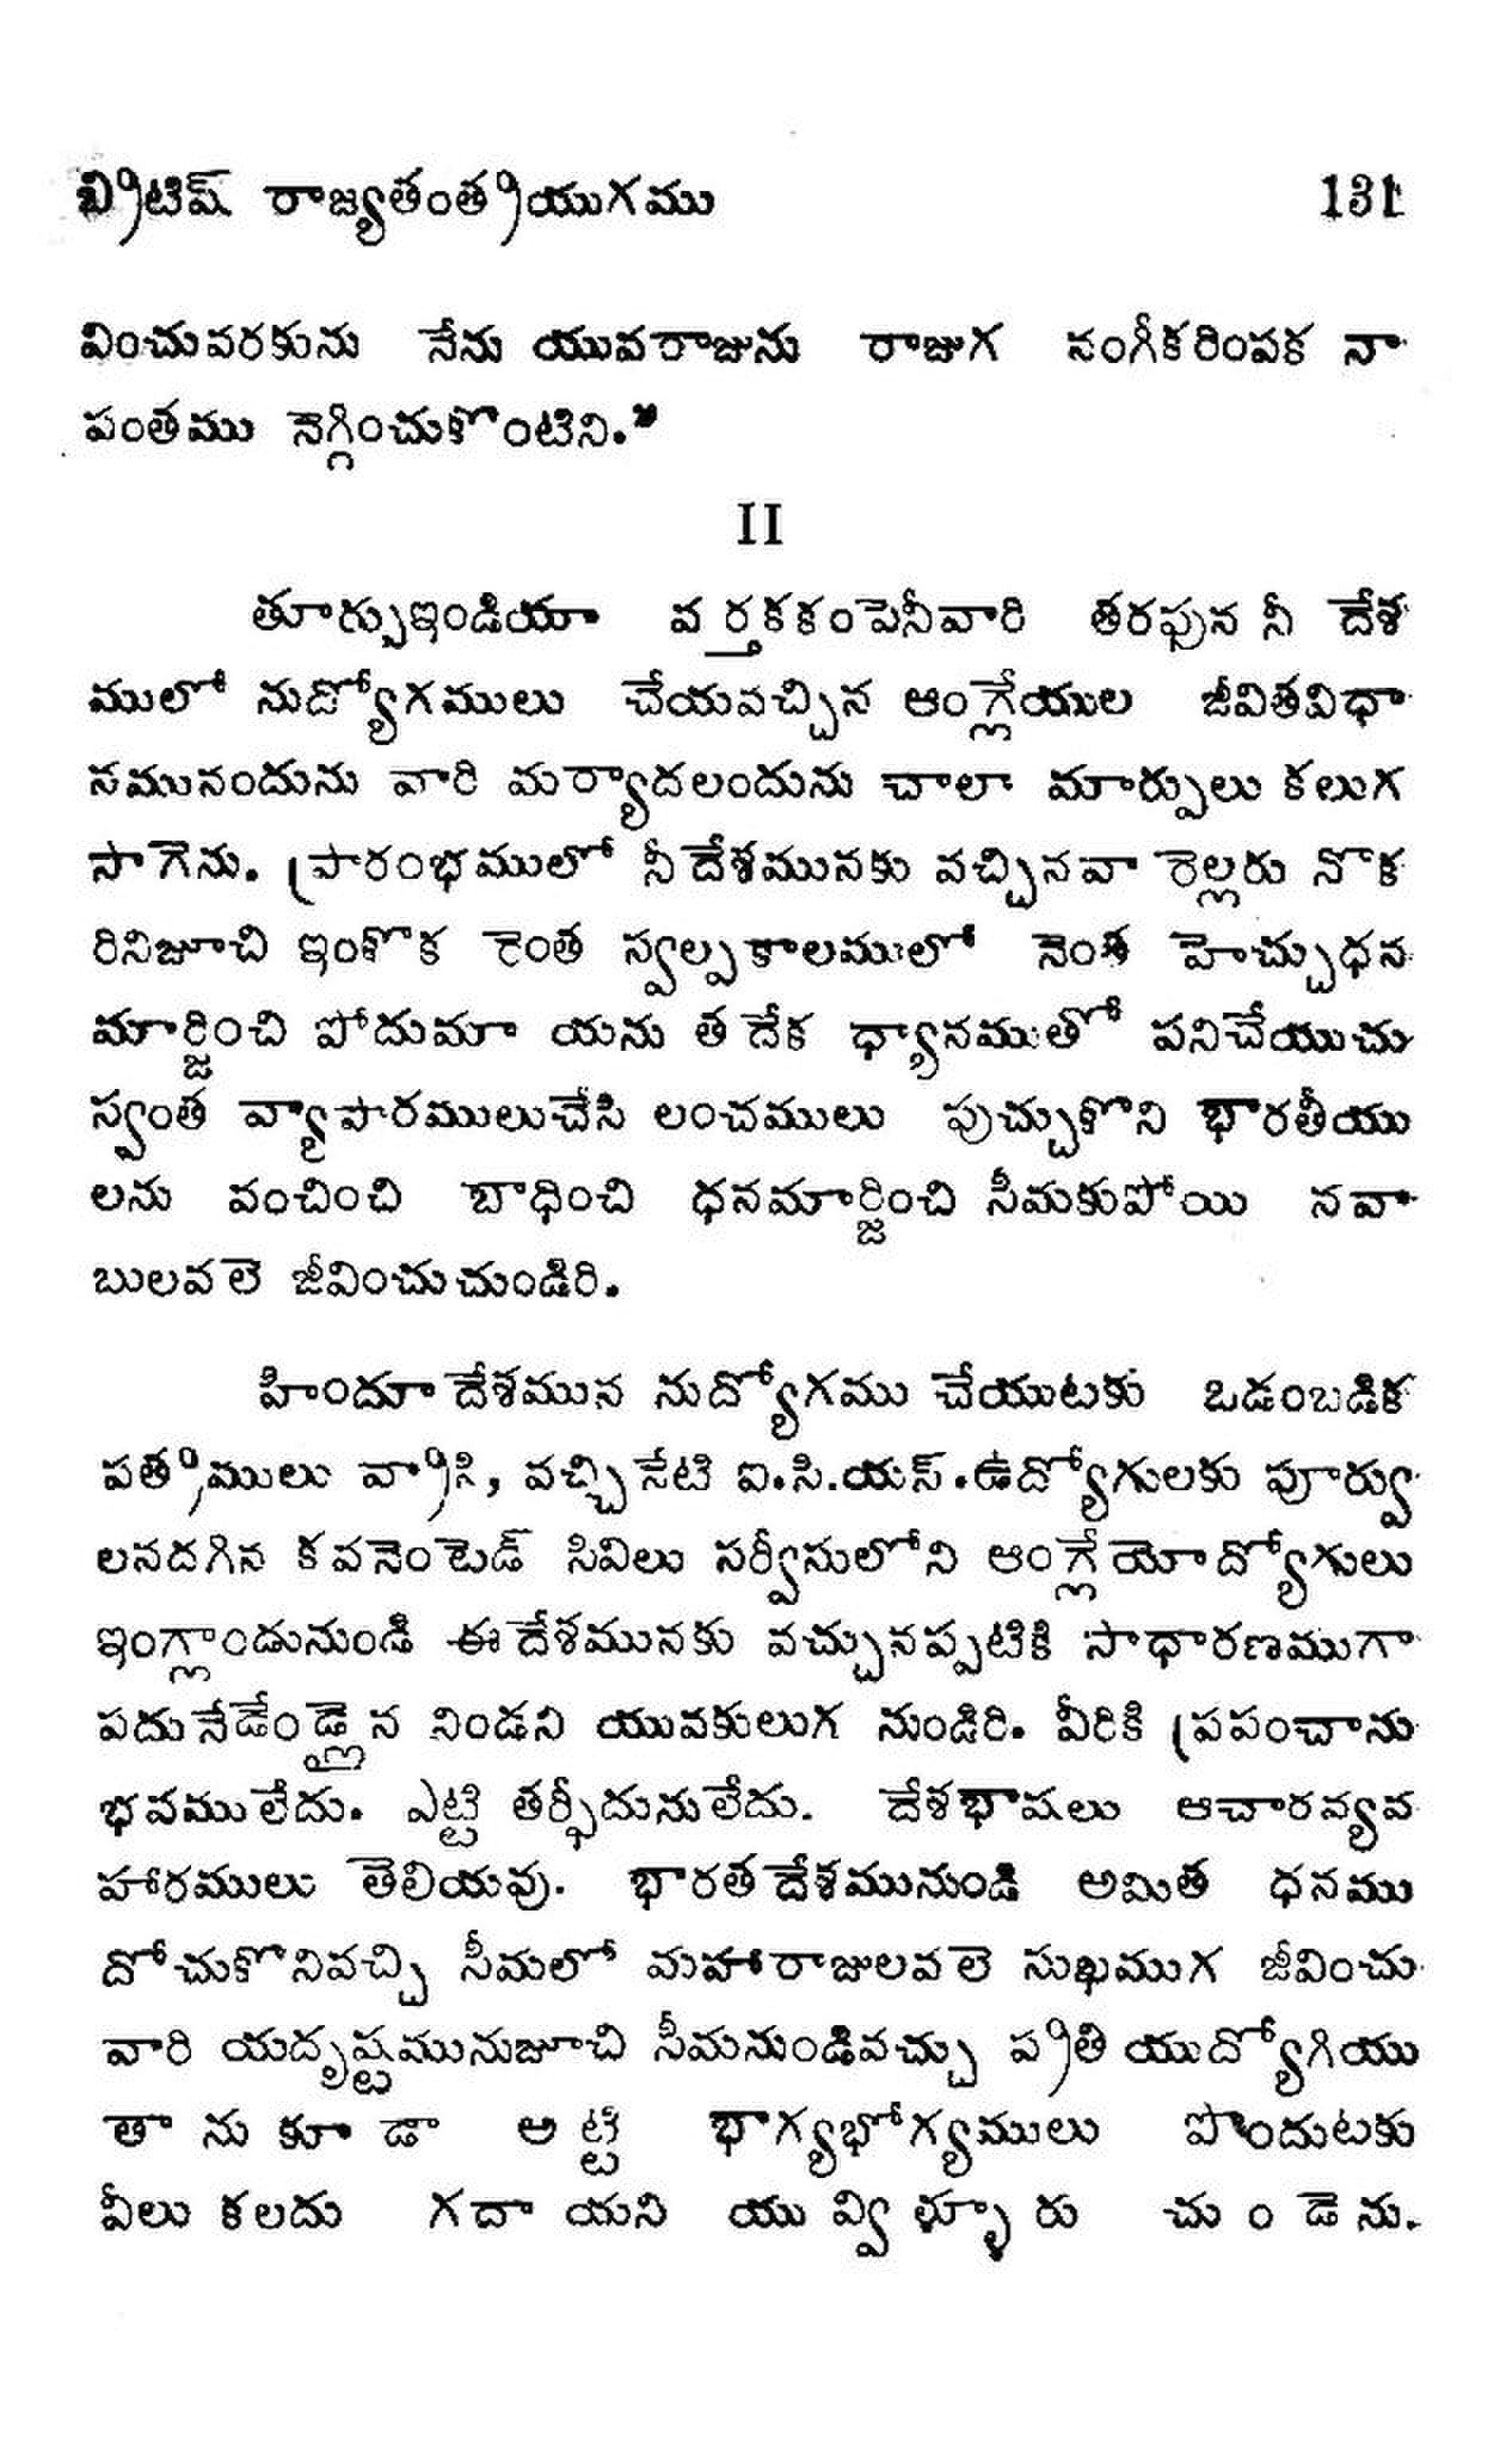వించువరకును నేను యువరాజును రాజుగ నంగీకరింపక నా పంతము నెగ్గించుకొంటిని."

II

తూర్పుఇండియా వర్తకకంపెనీవారి తరఫున నీ దేశములో నుద్యోగములు చేయవచ్చిన ఆంగ్లేయుల జీవితవిధానమునందును వారి మర్యాదలందును చాలా మార్పులు కలుగసాగెను. ప్రారంభములో నీ దేశమునకు వచ్చినవా రెల్లరు నొకరినిజూచి ఇంకొక రెంత స్వల్పకాలములో నెంత హెచ్చుధనమార్జించి పోదుమా యను తదేక ధ్యానముతో పనిచేయుచు స్వంత వ్యాపారములుచేసి లంచములు పుచ్చుకొని భారతీయులను వంచించి బాధించి ధనమార్జించి సీమకుపోయి నవాబులవలె జీవించుచుండిరి.

హిందూదేశమున నుద్యోగము చేయుటకు ఒడంబడిక పత్రములు వ్రాసి, వచ్చినేటి ఐ.సి.యస్ . ఉద్యోగులకు పూర్వులనదగిన కవనెంటెడ్ సివిలు సర్వీసులోని ఆంగ్లేయోద్యోగులు ఇంగ్లాండునుండి ఈ దేశమునకు వచ్చునప్పటికి సాధారణముగా పదునేడేండ్లైన నిండని యువకులుగ నుండిరి. వీరికి ప్రపంచానుభవములేదు. ఎట్టి తర్ఫీదునులేదు. దేశభాషలు ఆచారవ్యవహారములు తెలియవు. భారతదేశమునుండి అమిత ధనము దోచుకొనివచ్చి సీమలో మహారాజులవలె సుఖముగా జీవించు వారి యదృష్టమునుజూచి సీమనుండివచ్చు ప్రతి యుద్యోగియు తానుకూడా అట్టి భాగ్యభోగ్యములు పొందుటకు వీలు కలదు గదా యని యువ్విళ్ళూరు చుండెను.